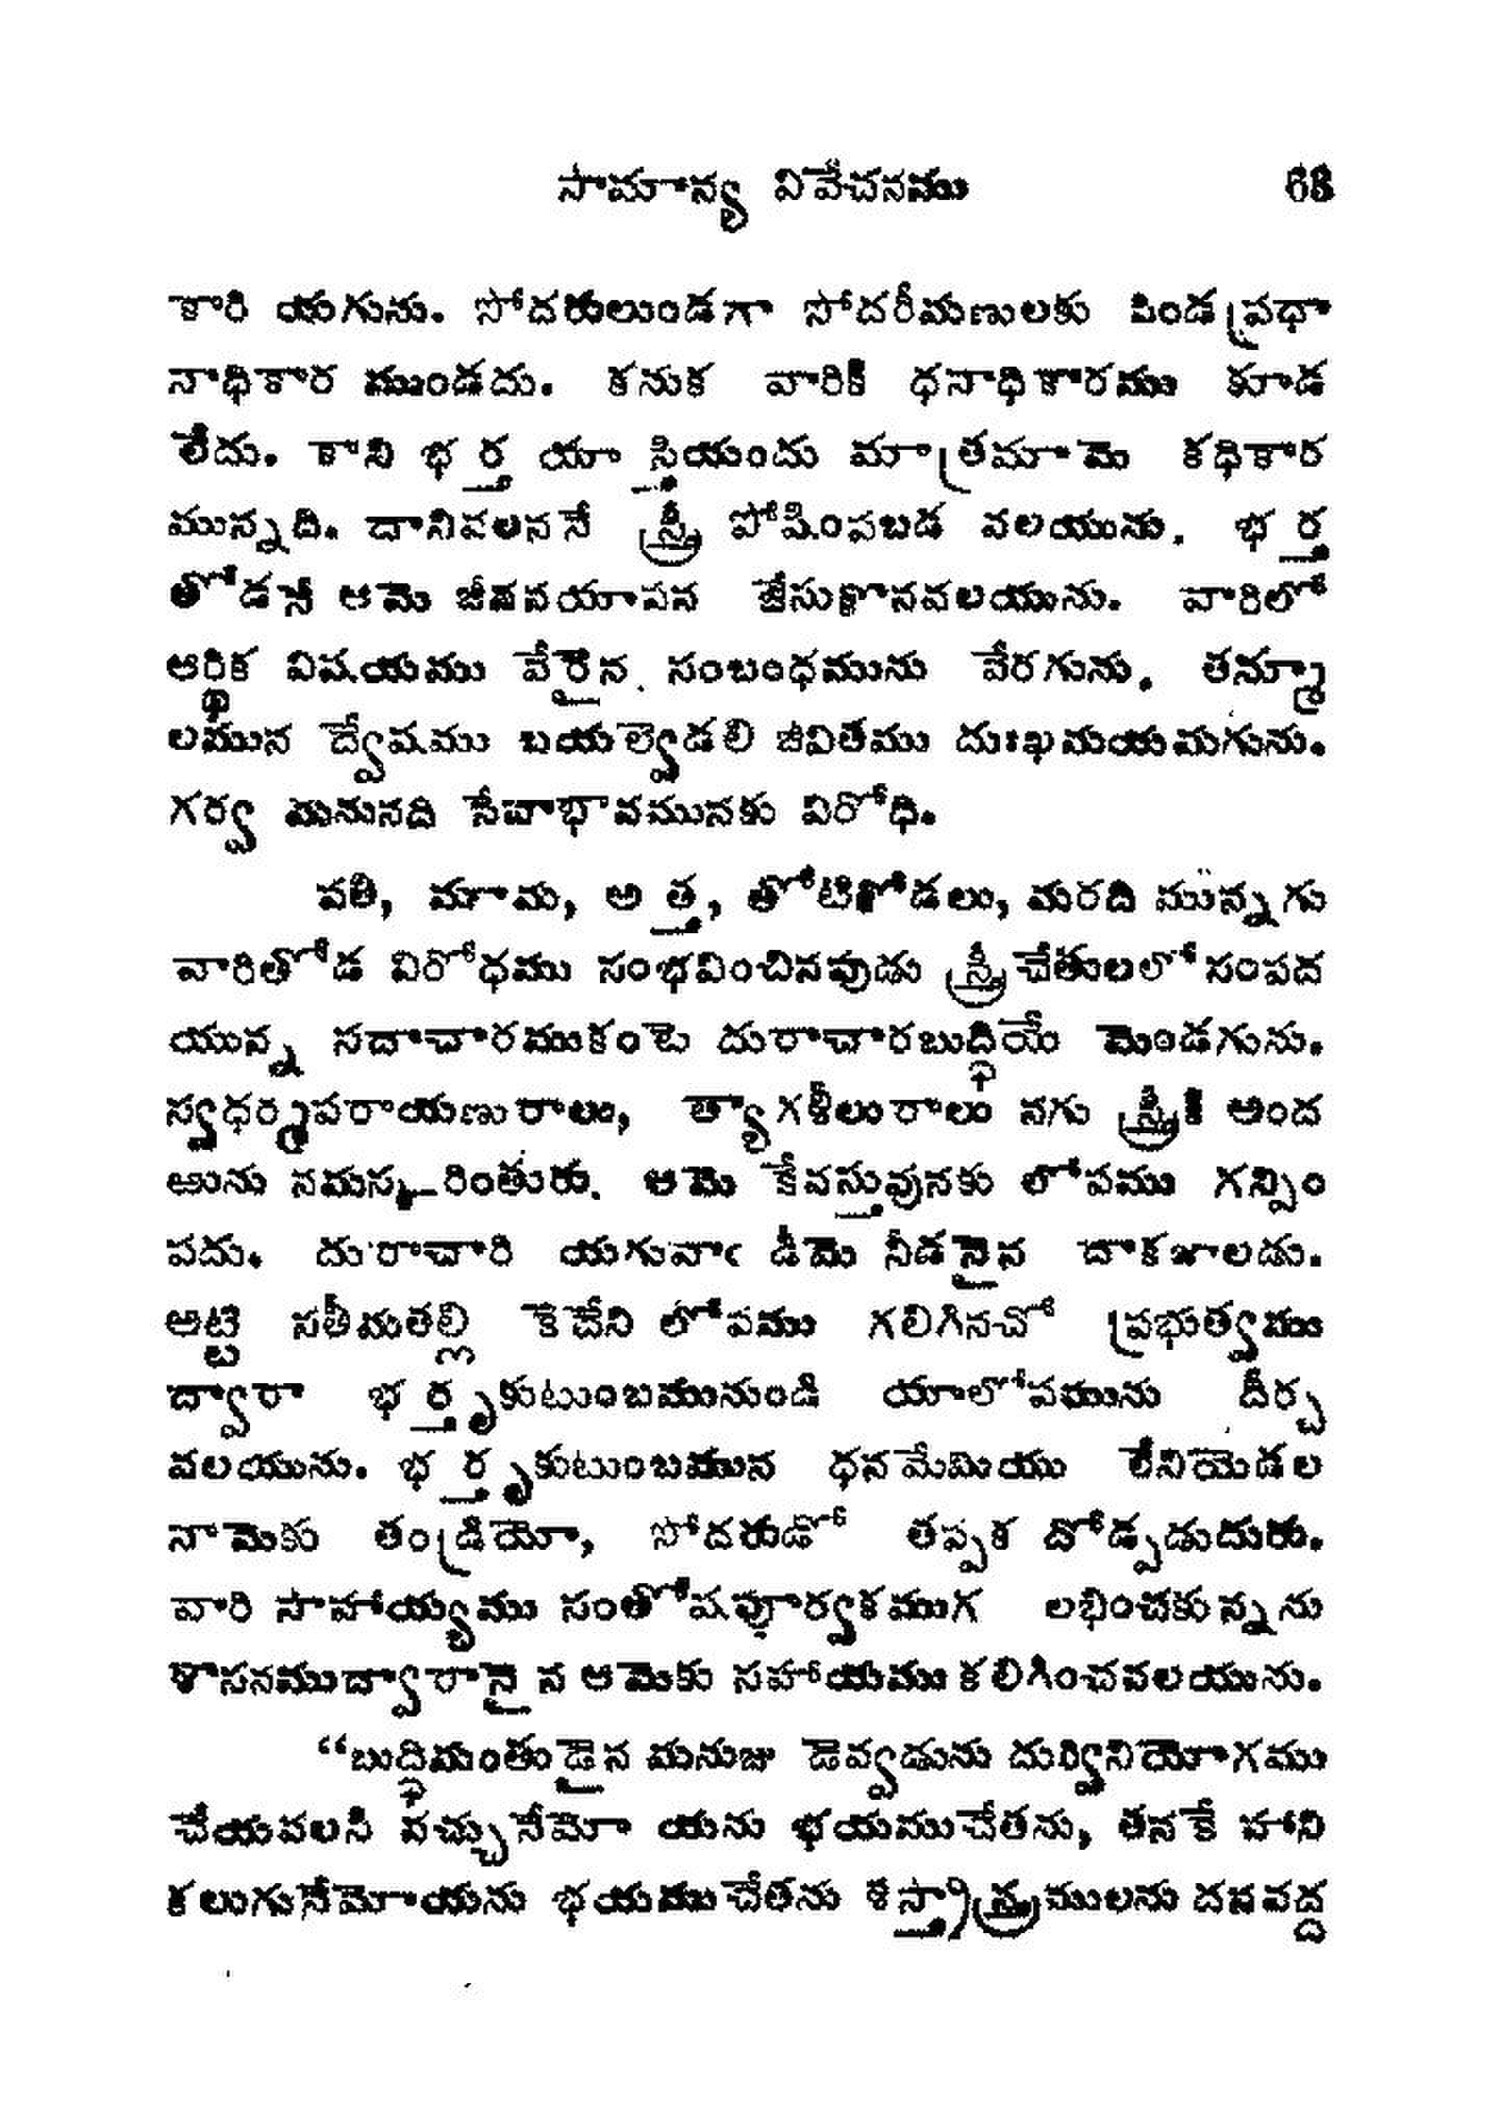కారి యగును. సోదరులుండగా సోదరీమణులకు పిండ 
ప్రదానాధికార ముండదు. కనుక వారికి ధనాధికారము కూడ
లేదు. కాని భర్త యాస్తి యందు మాత్రమామె కధికార
మున్నది. దానివలననే స్త్రీ పోషింపబడ వలయును, భర్త
తోడనే ఆమె జీవనయాపన జేసుకొనవలయును. వారిలో
ఆర్థిక విషయము వేరైన సంబంధమును వేరగును. 
తన్మూలమున ద్వేషము బయల్వెడలి జీవితము దుఃఖమయ 
మగును. గర్వ మనునది సేవాభావమునకు విరోధి.

పతి, మామ, అత్త, తోటికోడలు, మరది మున్నగు
వారితోడ విరోధము సంభవించినపుడు స్త్రీ చేతులలో సంపద
యున్న సదాచారముకంటె దురాచారబుద్ధియే మెండగును,
స్వధర్మపరాయణురాలు, త్యాగశీలురాలు నగు స్త్రీకి 
అందఱును నమస్కరింతురు. ఆమె కేవస్తువునకు లోపము 
గన్పింపదు. దురాచారి యగువాఁ డీమె నీడనైన దాకజాలడు.
అట్టి సతీమతల్లి కేదేని లోపము గలిగినచో ప్రభుత్వము
ద్వారా భర్తృకుటుంబమునుండి దీర్చ వలయును. 
భర్తృకుటుంబమున ధనమేమియు లేనియెడల
నామెకు తండ్రియో, సోదరుడో తప్పక దోడ్పడుదురు.
వారి సాహాయ్యము సంతోషపూర్వకముగ లభించకున్నను
శాసనముద్వారానైన ఆమెకు సహాయము కలిగించవలయును.

“బుద్ధిమంతుడైన మనుజు డెవ్వడును దుర్వినియోగము
చేయవలసి వచ్చునేమో యను భయముచేతను, తనకే హాని 
కలుగునేమోయను భయము చేతను శస్త్రాస్త్రములను దనవద్ద